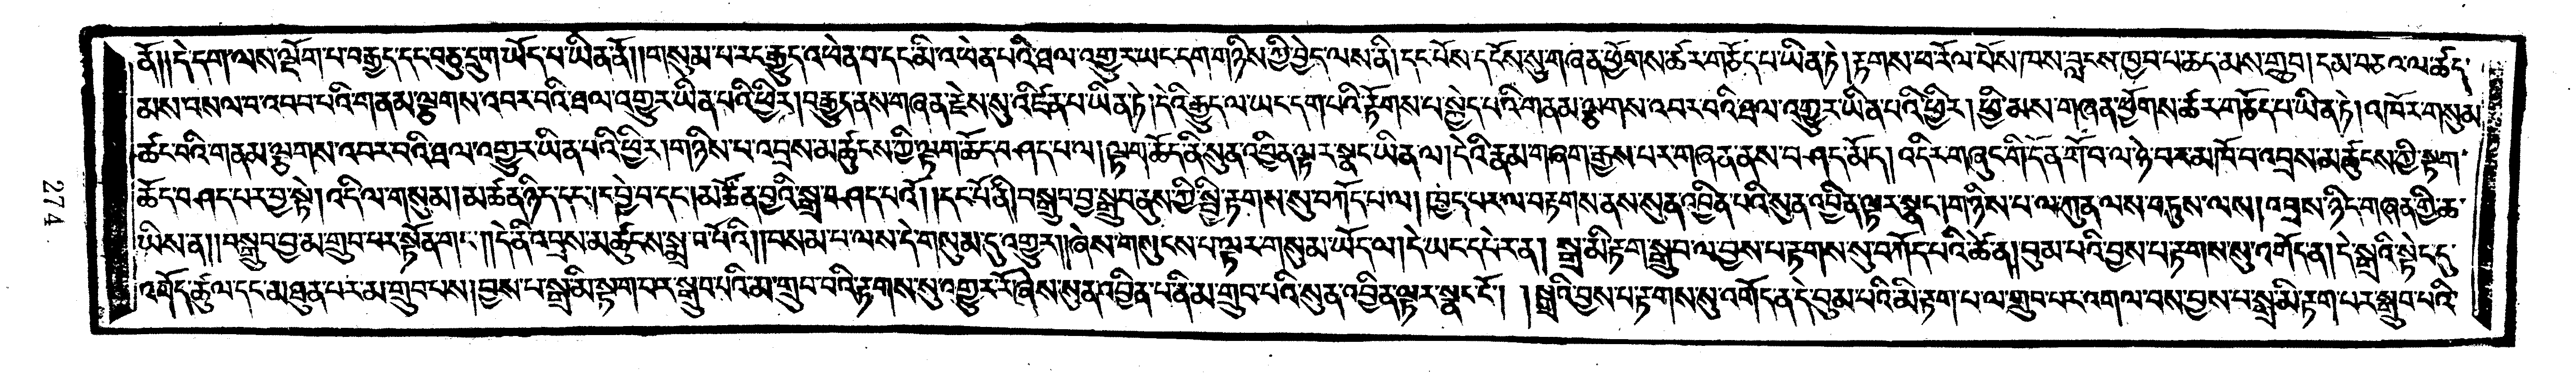ནོ༑ ༑དེ་དག་ལས་ལྡོག་པ་བརྒྱད་དང་བཅུ་དྲུག་ཡོད་པ་ཡིན་ནོ། །གསུམ་པ་རང་རྒྱུད་འཕེན་པ་དང་མི་འཕེན་པའི་ཐལ་འགྱུར་ཡང་དག་གཉིས་ཀྱི་བྱེད་ལས་ནི། དང་པོས་དངོས་སུ་གཞན་ཕྱོགས་ཚར་གཅོད་པ་ཡིན་ཏེ། རྟགས་ཕ་རོལ་པོས་ཁས་བླངས་ཁྱབ་པ་ཚད་མས་གྲུབ། དམ་བཅའ་ལ་ཚད་
མས་བསལ་བ་འབབ་པའི་གནམ་ལྕགས་འབར་བའི་ཐལ་འགྱུར་ཡིན་པའི་ཕྱིར། བརྒྱུད་ནས་གཞན་རྗེས་སུ་འཛིན་པ་ཡིན་ཏེ། དེའི་རྒྱུད་ལ་ཡང་དག་པའི་རྟོགས་པ་སྐྱེད་པའི་གནམ་ལྕགས་འབར་བའི་ཐལ་འགྱུར་ཡིན་པའི་ཕྱིར། ཕྱི་མས་གཞན་ཕྱོགས་ཚར་གཅོད་པ་ཡིན་ཏེ། འཁོར་གསུམ་
ཚང་བའི་གནམ་ལྕགས་འབར་བའི་ཐལ་འགྱུར་ཡིན་པའི་ཕྱིར། གཉིས་པ་འབྲས་མཚུངས་ཀྱི་ལྟག་ཆོད་བཤད་པ་ལ། ལྟག་ཆོད་ནི་སུན་འབྱིན་ལྟར་སྣང་ཡིན་ལ། དེའི་རྣམ་གཞག་རྒྱས་པར་གཞན་ནས་བཤད་མོད། འདིར་གཞུང་གི་དོན་གོ་བ་ལ་ཉེ་བར་མཁོ་བ་འབྲས་མཚུངས་ཀྱི་རྟག་
ཆོད་བཤད་པར་བྱ་སྟེ། འདི་ལ་གསུམ། མཚན་ཉིད་དང་། དབྱེ་བ་དང་། མཚོན་བྱའི་སྒྲ་བཤད་པའོ། །དང་པོ་ནི། བསྒྲུབ་བྱ་སྒྲུབ་ནུས་ཀྱི་སྤྱི་རྟགས་སུ་བཀོད་པ་ལ། ཁྱད་པར་ལ་བརྟགས་ནས་སུན་འབྱིན་པའི་སུན་འབྱིན་ལྟར་སྣང་། གཉིས་པ་ལ་ཀུན་ལས་བཏུས་ལས། འབྲས་ཉིད་གཞན་གྱི་ཆ་
ཡིས་ནི། །བསྒྲུབ་བྱ་མ་གྲུབ་པར་སྟོན་གང་། །དེ་ནི་འབྲས་མཚུངས་སྨྲ་བ་པོའི། །བསམ་པ་ལས་དེ་གསུམ་དུ་འགྱུར། ཞེས་གསུངས་པ་ལྟར་གསུམ་ཡོད་ལ། དེ་ཡང་དཔེར་ན། སྒྲ་མི་རྟག་སྒྲུབ་ལ་བྱས་པ་རྟགས་སུ་བཀོད་པའི་ཚེ་ན། བུམ་པའི་བྱས་པ་རྟགས་སུ་འགོད་ན། དེ་སྒྲའི་སྟེང་དུ་
དགོད་ཚུལ་དང་མཐུན་པར་མ་གྲུབ་པས། བྱས་པ་སྒྲ་མི་རྟག་པར་སྒྲུབ་པའི་མ་གྲུབ་པའི་རྟགས་སུ་འགྱུར་རོ་ཞེས་སུན་འབྱིན་པ་ནི་མ་གྲུབ་པའི་སུན་འབྱིན་ལྟར་སྣང་ངོ། །སྒྲའི་བྱས་པ་རྟགས་སུ་འགོད་ན་དེ་བུམ་པའི་མི་རྟག་པ་ལ་གྲུབ་པར་འགལ་བས་བྱས་པ་སྒྲ་མི་རྟག་པར་སྒྲུབ་པའི་